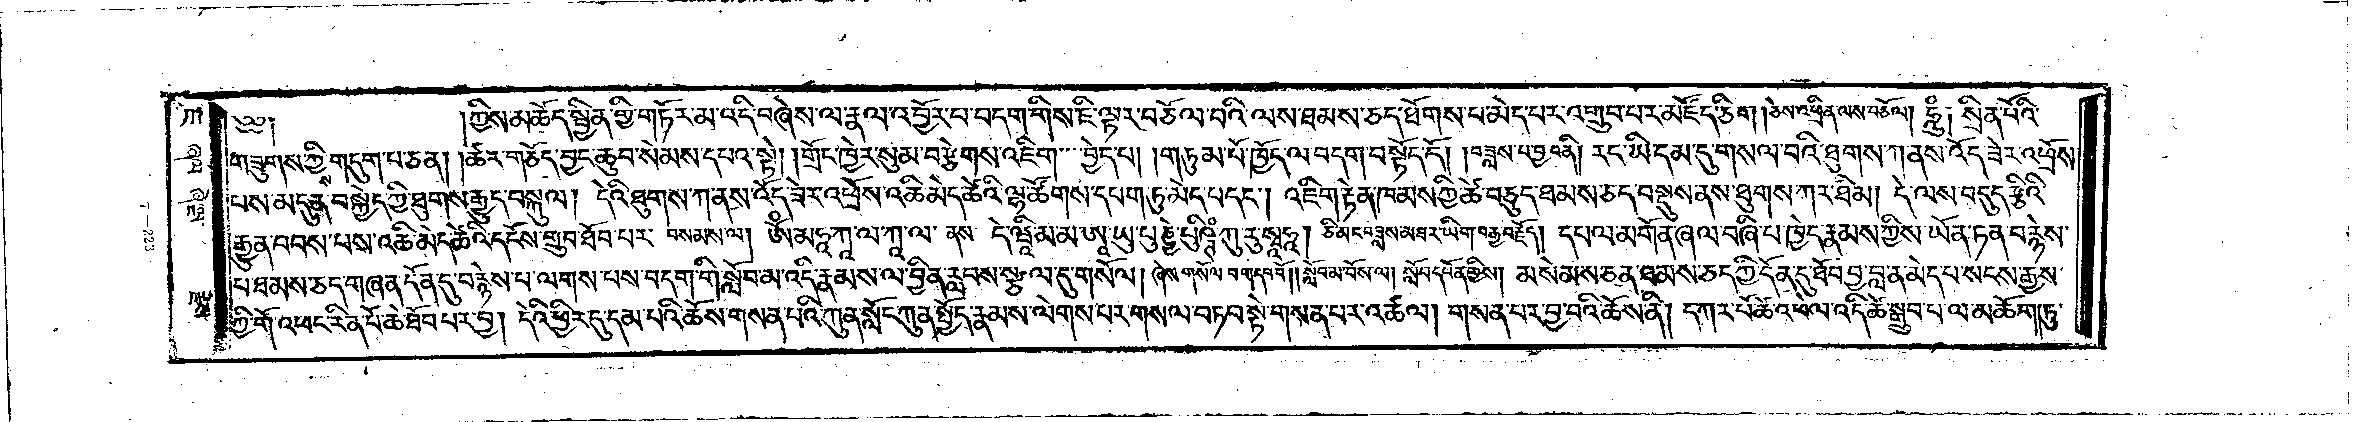༄༅། །ཀྱིས་མཆོད་སྦྱིན་གྱི་གཏོར་མ་འདི་བཞེས་ལ་རྣལ་འབྱོར་པ་བདག་གིས་ཇི་ལྟར་བཅོལ་བའི་ལས་ཐམས་ཅད་ཐོགས་པ་མེད་པར་འགྲུབ་པར་མཛོད་ཅིག་།ཅེས་འཕྲིན་ལས་བཅོལ།  ཧཱུཾ༑ སྲིན་པོའི་
གཟུགས་ཀྱིས་གདུག་བ་ཅན། །ཚར་གཅོད་བྱང་ཆུབ་སེམས་དཔའ་སྟེ། །གྲོང་ཁྱེར་སུམ་བརྩེགས་འཇིག་བྱེད་པ། །གཏུམ་པོ་ཁྱོད་ལ་བདག་བསྟོད་དོ། །བཟླས་པ་བྱ་བ་ནི།  རང་ཡི་དམ་དུ་གསལ་བའི་ཐུགས་ཀ་ནས་འོད་ཟེར་འཕྲོས་
བས་མདུན་བསྐྱེད་ཀྱི་ཐུགས་རྒྱུད་བསྐུལ། དེའི་ཐུགས་ཀ་ནས་འོད་ཟེར་འཕྲོས་འཆི་མེད་ཚེའི་ལྷ་ཚོགས་དཔག་ཏུ་མེད་པ་དང་། འཇིག་རྟེན་ཁམས་ཀྱི་ཚེ་བཅུད་ཐམས་ཅད་བསྡུས་ནས་ཐུགས་ཀར་ཐིམ། དེ་ལས་བདུད་རྩིའི་
རྒྱུན་བབས་པས་འཆི་མེད་ཚེའི་དངོས་གྲུབ་ཐོབ་པར་བསམས་ལ།  ཨོཾ་མཧཱ་ཀཱ་ལ་ཀཱ་ལ་ནས།  དེ་ཝཱི་མ་མ་ཨཱ་ཡུ་པུཎྱེ་པུཥྚིཾ་ཀུ་རུ་སྭཱཧཱ། ཅི་མང་བཟླས་མཐར་ཡིག་བརྒྱ་བརྗོད།  དཔལ་མགྲོན་ཞལ་བཞི་པ་ཁྱེད་རྣམས་ཀྱིས་ཡོན་ཏན་བརྙེས་
པ་ཐམས་ཅད་གཞན་དོན་དུ་དུར་བརྙེས་པ་ལགས་པས་བདག་གི་སློབ་མ་འདི་རྣམས་ལ་བྱིན་རླབས་སྩལ་དུ་གསོལ། ཞེས་གསོལ་བ་གདབ་པོ། སློབ་མ་བོས་ལ། སློབ་དཔོན་གྱིས།  མ་སེམས་ཅན་ཐམས་ཅད་ཀྱི་དོན་དུ་ཐོབ་བྱ་བླ་ན་མེད་པ་སངས་རྒྱས་
ཀྱི་གོ་འཕང་རིན་པོ་ཆེ་ཐོབ་པར་བྱ། དེའི་ཕྱིར་དུ་དམ་པའི་ཆོས་གསན་པའི་ཀུན་སློབ་ཀུན་སྤྱོད་རྣམས་ལེགས་བར་གསལ་བཏབ་སྟེ་གསན་བར་འཚལ། གསན་བར་བྱ་བའི་ཆོས་ནི། དཀར་པོ་ཚེའི་འཕེལ་འདི་ཚེ་སྒྲུབ་པ་ལ་མཆོག་ཏུ་